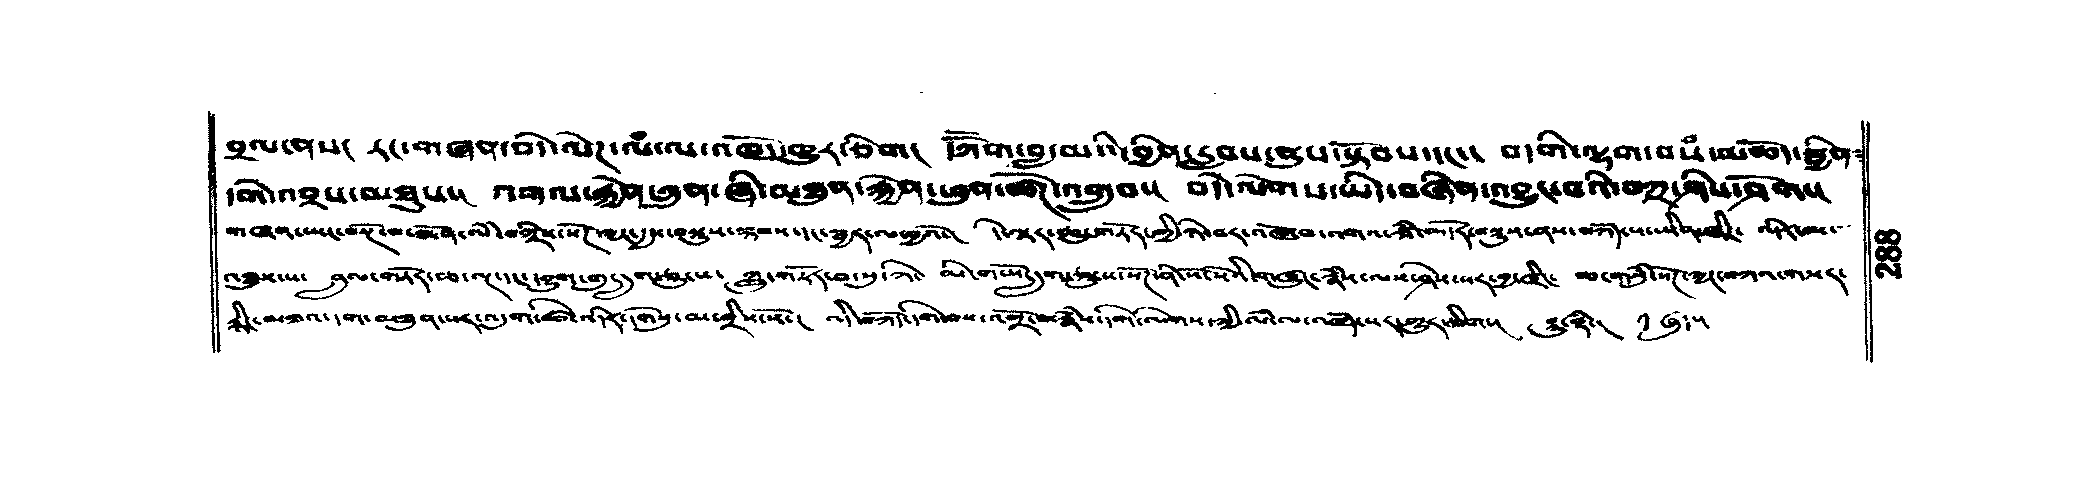བྲལ་ནས། །རང་གཞན་བདེ་ལེགས་ལམ་ལ་འཁོད་གྱུར་ཅིག་དཀོན་མཆོག་བླ་མའི་བྱིན་རླབས་ནུས་སྟོབས་དང་། །བདག་གི་ལྷག་བསམ་མཆོད་སྦྱིན་
དགེ་འབྲས་མཐུས། །འགལ་རྐྱེན་ཀུན་ཞི་མཐུན་རྐྱེན་ཕུན་ཚོགས་འགྲུབ། །བདེ་ལེགས་ཡིད་བཞིན་འབྱུང་བའི་བཀྲ་ཤིས་ཤོག་
གཞན་ཡང་བསྔོ་བ་སྨོན་ལམ་བཀྲ་ཤིས་སོགས་ཀྱང་རྒྱས་བསྡུས་སྐབས་དང་སྦྱར་ལ་བྱའོ། དེ་ལྟར་ཆུ་གཏོར་གྱི་ཉེ་བར་འཁོ་བ་འགའ་ཙམ་མདོར་བསྡུས་ནས་བཀོད་པ་ཡིན་ཞིང་། འདིར་མ་
འཐུས་ལ། སྦྲུལ་གཏོར་རྩ་སྔགས་དང་དབང་ཕྱུག་གུ་དྲུག་ཅུ་པ། ཀླུ་གཏོར་བ་སུ་ཉེ། མི་གཡོ་དྲུག་ཅུ་སོགས་ནི་སོ་སོའི་གཞུང་རྣམས་ལས་ཤེས་པར་བྱ་ཞིང་། ཆ་གསུམ་སོགས་ཀྱང་བཀའགསར་
རྙིང་མཐའ་དག་མཐུན་པར་འདུག་ཚེ་འདིར་དགོས་སུ་མ་བྲིས་སོ།འདི་བཀོད་དགེ་བས་འགྲོ་བ་རྣམས་དགེ་ལེགས་ཀྱི་ལམ་ལ་འཁོད་པར་གྱུར་ཅིག་ཤུབྷཾ།